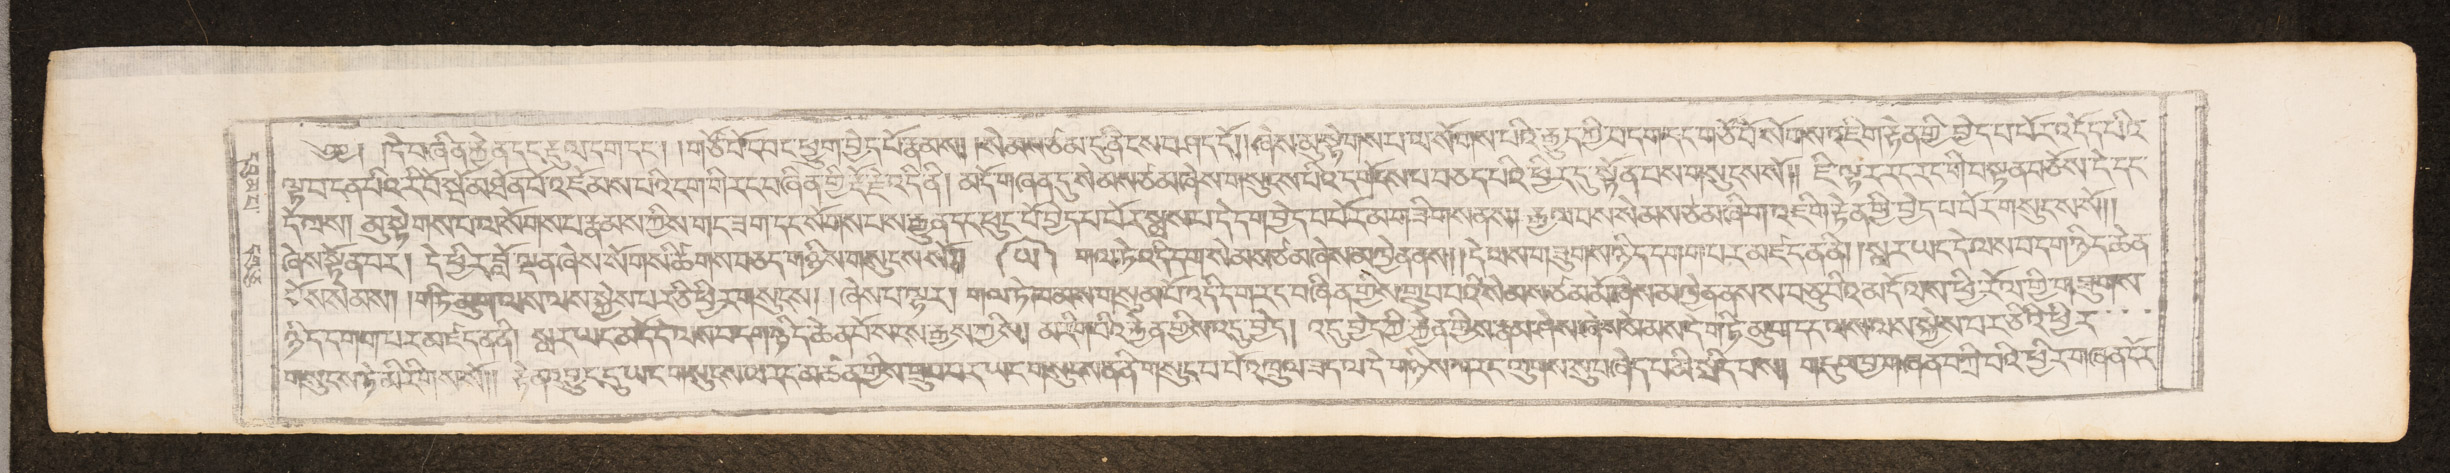༄༅། །དེ་བཞིན་རྐྱེན་དང་རྡུལ་དག་དང་། །གཙོ་བོ་དབང་ཕྱུག་བྱེད་པོ་རྣམས། །སེམས་ཙམ་དུ་ནི་ངས་བཤད་དོ། །ཞེས་མུ་སྟེགས་པ་ལ་སོགས་པའི་རྒྱུད་ཀྱི་བདག་དང་གཙོ་བོ་སོགས་འཇིག་རྟེན་གྱི་བྱེད་པ་པོར་འདོད་པའི་
ལྟ་བ་ངན་པའི་རི་བོ་སྦོ་མཐོན་པོ་འཇོམས་པའི་དག་གི་རང་བཞིན་གྱི་རྡོ་རྗེ་འདི་ནི། མདོ་གཞན་དུ་སེམས་ཙམ་ཞེས་གསུངས་པའི་དགོངས་པ་བཅས་པའི་ཕྱིར་དུ་སྟོན་པས་གསུངས་སོ། །ཇི་ལྟར་རང་རང་གི་བསྟན་བཅོས་དེ་དང་
དེ་ལས། མུ་སྟེགས་པ་ལ་སོགས་པ་རྣམས་ཀྱིས་གནག་ཟག་དང་སོགས་པས་རྒྱུན་དང་ཕུང་པོ་བྱེད་པ་པོར་སྨྲས་པ་དེ་དག་བྱེད་པ་པོར་མ་གཟིགས་ནས། རྒྱལ་བས་སེམས་ཙམ་ཞིག་འཇིག་རྟེན་གྱི་བྱེད་པ་བོར་གསུངས་སོ།།
ཞེས་སྟོན་པར། དེ་ཕྱིར་བློ་ལྡན་ཞེས་སོགས་ཚིགས་བཅད་གཉིས་གསུངས་སོ།། ༼༽ཡ༼༽ གལ་ཏེ་འདི་དག་སེམས་ཙམ་ཞེས་མཁྱེན་ནས། །དེ་ལས་གཟུགས་ཉིད་དགག་པར་མཛད་ན་ནི། །སླར་ཡང་དེ་ལས་བདག་ཉིད་ཆེན་
པོས་སེམས། །གཏི་མུག་ལས་ལས་སྐྱེས་པར་ཅི་ཕྱིར་གསུངས། །ཞེས་པ་ལྟར། གལ་ཏེ་ཁམས་གསུམ་པོ་འདི་དག་རང་བཞིན་གྱིས་གྲུབ་པའི་སེམས་ཙམ་མོ་ཞེས་མཁྱེན་ནས་ས་བཅུ་པའི་མདོ་ལས་ཕྱི་རོལ་གྱི་གཟུགས་
ཉིད་དགག་པར་མཛད་ན་ནི། སླར་ཡང་མོད་དེ་ལས་བདག་གཉིད་ཆེན་པོ་སངས་རྒྱས་ཀྱིས། མ་རིག་པའི་རྐྱེན་གྱིས་འདུ་བྱེད། འདུ་བྱེད་ཀྱི་རྐྱེན་གྱིས་རྣམ་ཤེས་ཞེས་སེམས་དེ་གཏི་མུག་དང་ལས་ལས་སྐྱེས་པར་ཅིའི་ཕྱིར་
གསུངས་ཏེ་མི་རིགས་སོ། །རྟེན་འབྱུང་དུ་ཡང་གསུངས་ལ་རང་མཚན་གྱིས་གྲུབ་པར་ཡང་གསུངས་ན་ནི་གསུང་བ་པོ་འཁྲུལ་ཟད་ལ་དེ་གཉིས་ཀ་རང་ལུགས་སུ་བཞེད་པ་མི་སྲིད་པས། གདུལ་བྱ་གཞན་བཀྲི་བའི་ཕྱིར་གཞན་ངོར་